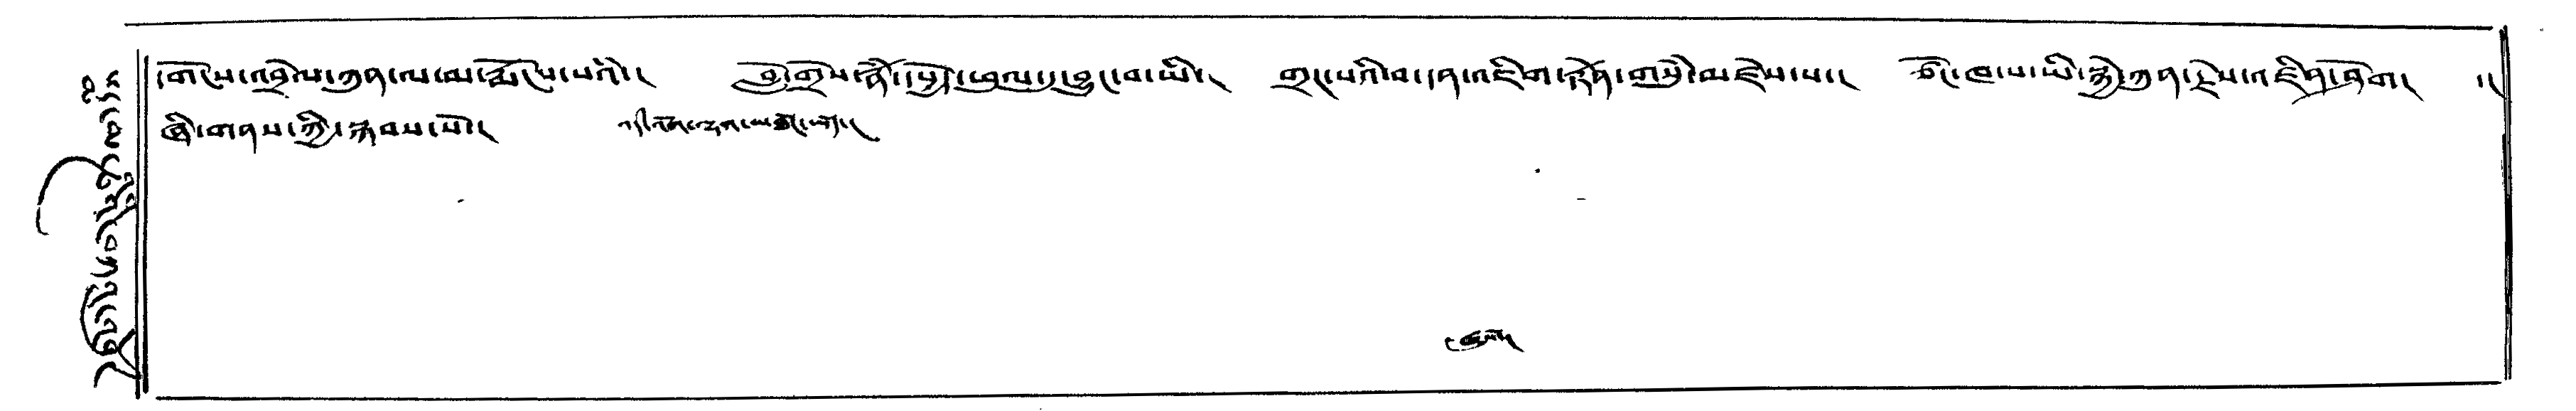དགོངས་འབྲེལ་ཀུན་ལ་མ་རྨོངས་པའི། །བློ་གྲོས་རྣམ་དཔྱོད་ཕུལ་དུ་བྱུང་བ་ཡི། །གྲགས་པའི་བ་དན་འཇིག་རྟེན་གསུམ་མཛེས་པ། །ཙོང་ཁ་པ་ཡིས་སྐྱེ་ཀུན་རྗེས་འཛིན་ཤོག 
ཞི་གནས་ཀྱི་སྐབས་སོ། །འདི་འོག་ལྷག་མཐོང་ཡོད། ཞུས་སོ།། །།